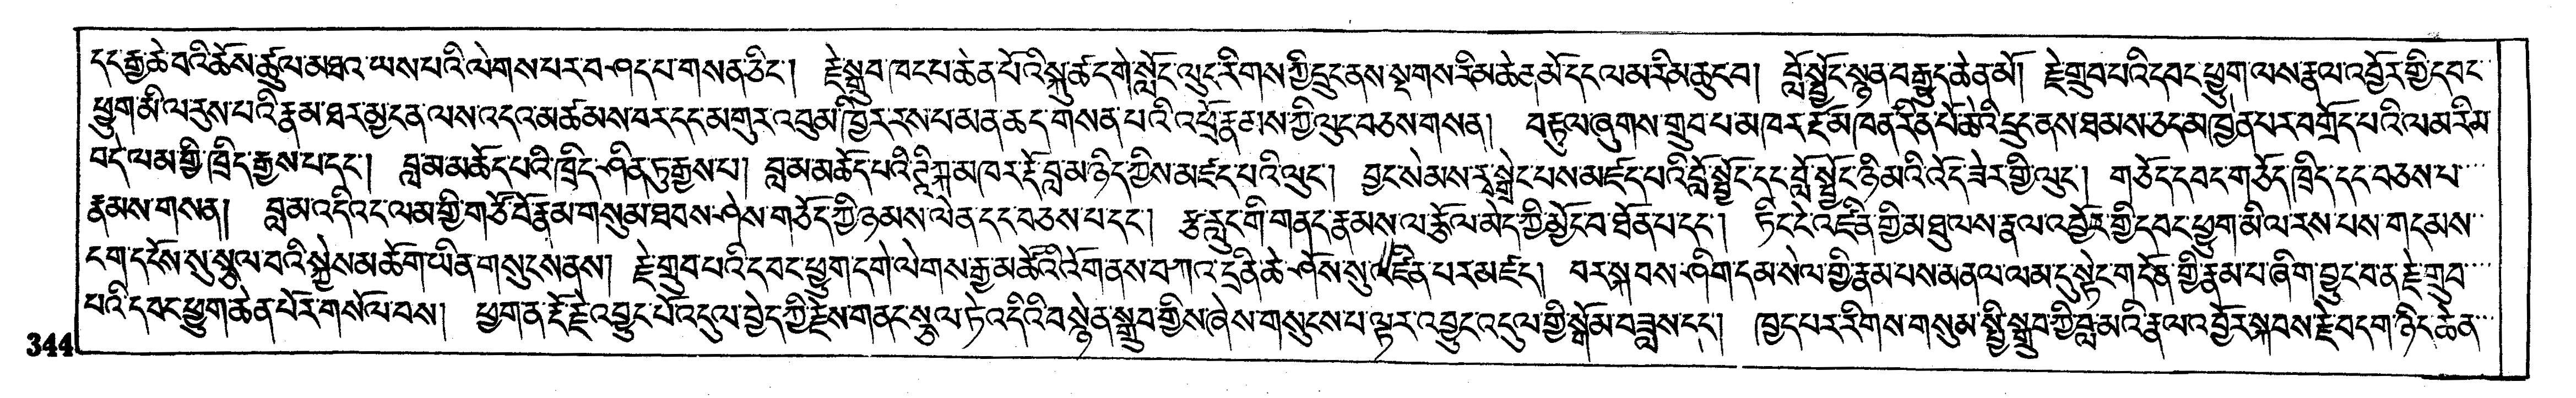དང་རྒྱ་ཆེ་བའི་ཆོས་ཚུལ་མཐའ་ཡས་པའི་ལེགས་པར་བཤད་པ་གསན་ཅིང་། རྗེ་སྒྲུབ་ཁང་པ་ཆེན་པོའི་སྐུ་ཚ་དགེ་སློང་ལུང་རིགས་ཀྱི་དྲུང་ནས་སྔགས་རིམ་ཆེན་མོ་དང་ལམ་རིམ་ཆུང་བ། བློ་སྦྱོང་སྙན་བརྒྱུད་ཆེན་མོ། རྗེ་གྲུབ་པའི་དབང་ཕྱུག་ལས་རྣལ་འབྱོར་གྱི་དབང་
ཕྱུག་མི་ལ་རས་པའི་རྣམ་ཐར་མྱ་ངན་ལས་འདའ་མཚམས་བར་དང་མགུར་འབུམ་ཁྱིར་རས་པ་མན་ཆད་གསན་པའི་འཕྲོ་རྣམས་ཀྱི་ལུང་བཅས་གསན། བརྟུལ་ཞུགས་གྲུབ་པ་མཁར་རྡོ་མཁན་རིན་པོ་ཆེའི་དྲུང་ནས་ཐམས་ཅད་མཁྱེན་པར་བགྲོད་པའི་ལམ་རིམ་
བདེ་ལམ་གྱི་ཁྲིད་རྒྱས་པ་དང་། བླ་མ་མཆོད་པའི་ཁྲིད་ཤིན་ཏུ་རྒྱས་པ། བླ་མ་མཆོད་པའི་ཊཱིཀྐ་མཁར་རྡོ་བླ་མ་ཉིད་ཀྱིས་མཛད་པའི་ལུང་། བྱང་སེམས་རྭ་སྒྲེང་པས་མཛད་པའི་བློ་སྦྱོང་དང་བློ་སྦྱོང་ཉི་མའི་འོད་ཟེར་གྱི་ལུང་། གཅོད་དབང་གཅོད་ཁྲིད་དང་བཅས་པ་
རྣམས་གསན། བླ་མ་འདིའང་ལམ་གྱི་གཙོ་བོ་རྣམ་གསུམ་ཐབས་ཤེས་གཅོད་ཀྱི་ཉམས་ལེན་དང་བཅས་པ་དང་། རྩ་རླུང་གི་གནང་རྣམས་ལ་རྩོལ་མེད་ཀྱི་མྱོང་བ་ཐོན་པ་དང་། ཏིང་ངེ་འཛིན་གྱི་མཐུ་ལས་རྣལ་འབྱོར་གྱི་དབང་ཕྱུག་མི་ལ་རས་པས་གདམས་
ངག་དངོས་སུ་སྩལ་བའི་སྐྱེས་མཆོག་ཡིན་གསུངས་ནས། རྗེ་གྲུབ་པའི་དབང་ཕྱུག་དགེ་ལེགས་རྒྱ་མཚོའི་འོག་ནས་བཀའ་དྲིན་ཆེ་ཤོས་སུ་འཛིན་པར་མཛད། བར་སྐབས་ཤིག་དམ་སེལ་གྱི་རྣམ་པས་མནལ་ལམ་དུ་སྟེང་གདོན་གྱི་རྣམ་པ་ཞིག་བྱུང་བན་རྗེ་གྲུབ་
པའི་དབང་ཕྱུག་ཆེན་པོར་གསོལ་བས། ཕྱག་ན་རྡོ་རྗེ་འབྱུང་པོ་འདུལ་བྱེད་ཀྱི་རྗེས་གནང་སྩལ་ཏེ་འདིའི་བསྙེན་སྒྲུབ་གྱིས་ཞེས་གསུངས་པ་ལྟར་འབྱུང་འདུལ་གྱི་སྒོམ་བཟླས་དང་། ཁྱད་པར་རིགས་གསུམ་སྤྱི་སྒྲུབ་ཀྱི་བླ་མའི་རྣལ་འབྱོར་སྐབས་རྗེ་བདག་ཉིད་ཆེན་